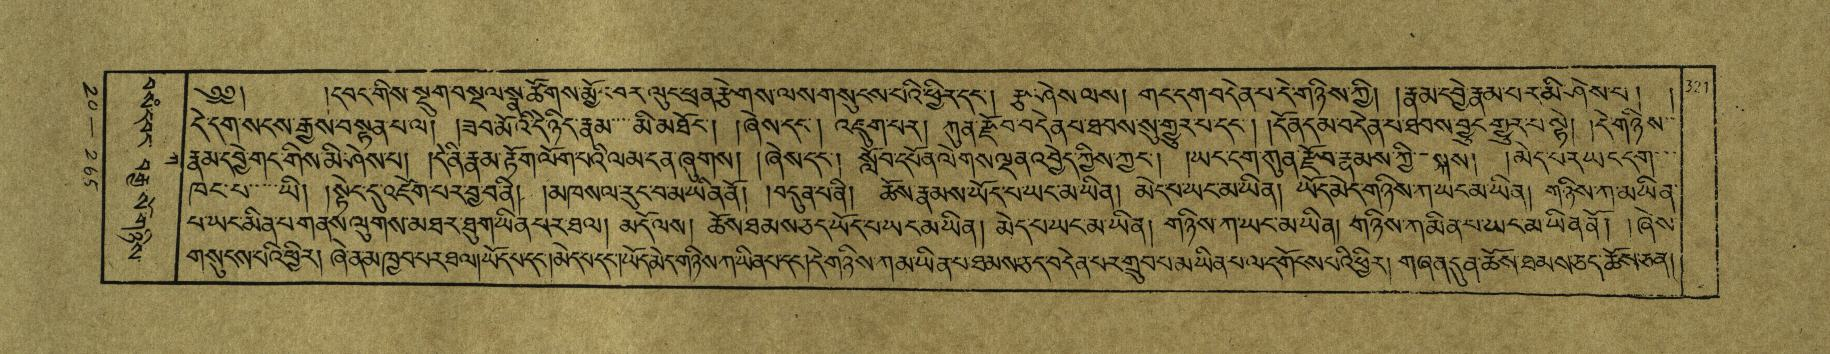༄༅། །དབང་གིས་སྡུག་བསྔལ་སྣ་ཚོགས་མྱོང་བར་ལུང་ཕྲན་རྩེགས་ལས་གསུངས་པའི་ཕྱིར་དང་། རྩ་ཤེས་ལས། གང་དག་བདེན་པ་དེ་གཉིས་ཀྱི། །རྣམ་དབྱེ་རྣམ་པར་མི་ཤེས་པ། །
དེ་དག་སངས་རྒྱས་བསྟན་པ་ལ། །ཟབ་མོའི་དེ་ཉིད་རྣམ་མི་མཐོང་། །ཞེས་དང་། འཇུག་པར། ཀུན་རྫོབ་བདེན་པ་ཐབས་སུ་གྱུར་པ་དང་། །དོན་དམ་བདེན་པ་ཐབས་བྱུང་གྱུར་པ་སྟེ། །དེ་གཉིས་
རྣམ་དབྱེ་གང་གིས་མི་ཤེས་པ། །དེ་ནི་རྣམ་རྟོག་ལོག་པའི་ལམ་ངན་ཞུགས། །ཞེས་དང་། སློབ་དཔོན་ལེགས་ལྡན་འབྱེད་ཀྱིས་ཀྱང་། །ཡང་དག་ཀུན་རྫོབ་རྣམས་ཀྱི་བསྐས?། །མེད་པར་ཡང་དག་
ཁང་པ་ཡི། །སྟེང་དུ་འཛེག་པར་བྱ་བ་ནི། །མཁས་ལ་རུང་བ་མ་ཡིན་ནོ། །བདུན་པ་ནི། ཆོས་རྣམས་ཡོད་པ་ཡང་མ་ཡིན། མེད་པ་ཡང་མ་ཡིན། ཡོད་མེད་གཉིས་ཀ་ཡང་མ་ཡིན། གཉིས་ཀ་མ་ཡིན་
པ་ཡང་མིན་པ་གནས་ལུགས་མཐར་ཐུག་ཡིན་པར་ཐལ། མདོ་ལས། ཆོས་ཐམས་ཅད་ཡོད་པ་ཡང་མ་ཡིན། མེད་པ་ཡང་མ་ཡིན། གཉིས་ཀ་ཡང་མ་ཡིན། གཉིས་ཀ་མིན་པ་ཡང་མ་ཡིན་ནོ། །ཞེས་
གསུངས་པའི་ཕྱིར། ཞེ་ན་མ་ཁྱབ་པར་ཐལ། ཡོད་པ་དང་། མེད་པ་དང་། ཡོད་མེད་གཉིས་ཀ་ཡིན་པ་དང་། དེ་གཉིས་ཀ་མ་ཡིན་པ་ཐམས་ཅད་བདེན་པར་གྲུབ་པ་མ་ཡིན་པ་ལ་དགོངས་པའི་ཕྱིར། གཞན་དུ་ན་ཆོས་ཐམས་ཅད་ཆོས་ཅན།